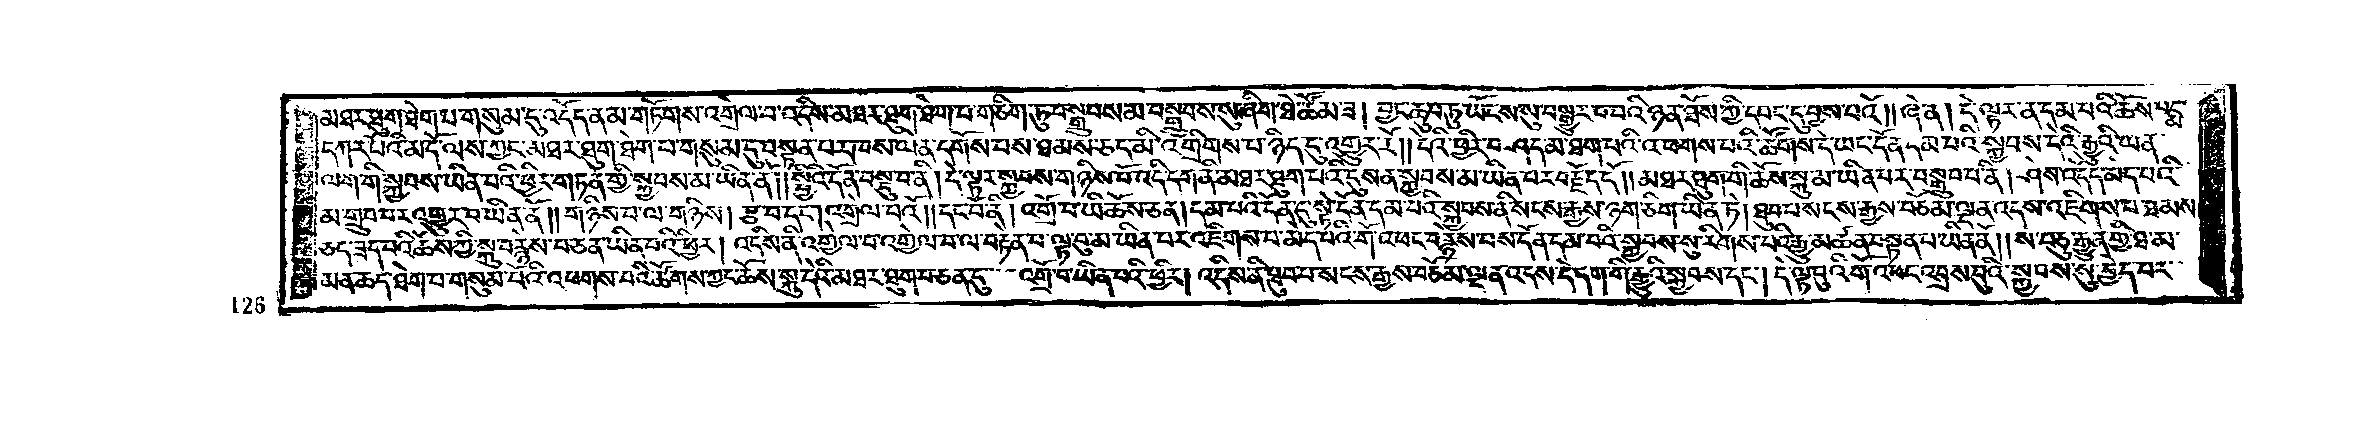མཐར་ཐུག་ཐེག་པ་གསུམ་དུ་འདོད་ན་མ་གཏོགས་འགྲེལ་པ་འདིས་མཐར་ཐུག་ཐེག་པ་གཅིག་ཏུ་བསྒྲུབས་མ་བསྒྲུབས་སུ་ཞིག་ཐེ་ཚོམ་ཟ། བྱང་ཆུབ་ཏུ་ཡོངས་སུ་བསྒྱུར་བ་པའི་ཉན་ཐོས་ཀྱི་དབང་དུ་བྱས་པའོ། །ཞེ་ན། དེ་ལྟར་ན་དམ་པའི་ཆོས་པདམ་
དཀར་པོའི་མདོ་ལས་ཀྱང་མཐར་ཐུག་ཐེག་པ་གསུམ་དུ་བསྟན་པར་ཁས་ལེན་དགོས་པས་ཐམས་ཅད་མི་འགྲིགས་པ་ཉིད་དུ་འགྱུར་རོ། །དེའི་ཕྱིར་བཤད་མ་ཐག་པའི་འཕགས་པའི་ཚོགས་དེ་ཡང་དོན་དམ་པའི་སྐྱབས་དེའི་རྒྱུའི་ཡན་
ལག་གི་སྐྱབས་ཡིན་པའི་ཕྱིར་གཏན་གྱི་སྐྱབས་མ་ཡིན་ནོ། །སྤྱིའི་དོན་བསྡུ་བ་ནི། དེ་ལྟར་སྐྱབས་གཉིས་པོ་འདི་དག་ནི་མཐར་ཐུག་པའི་དུས་ན་སྐྱབས་མ་ཡིན་པར་བརྗོད་དོ། །མཐར་ཐུག་གི་ཆོས་སྐུ་མ་ཡིན་པར་བསྒྲུབ་པ་ནི། ཤེས་འདོད་མེད་པའི་
མ་གྲུབ་པར་འགྱུར་བ་ཡིན་ནོ། །གཉིས་པ་ལ་གཉིས། རྩ་བ་དང་། འགྲེལ་པའོ། །དང་པོ་ནི། འགྲོ་བ་ཡི་ཆོས་དམ་པའི་དོན་དུ་སྟེ་དོན་དམ་པའི་སྐྱབས་ནི་སངས་རྒྱས་ཉག་ཅིག་ཡིན་ཏེ། ཐུབ་པ་སངས་རྒྱས་བཅོམ་ལྡན་འདས་འཇིགས་པ་ཐམས་
ཅད་ཟད་པའི་ཆོས་ཀྱི་སྐུ་བརྙེས་པ་ཅན་ཡིན་པའི་ཕྱིར། འདིས་ནི་འགྱེལ་པ་འགྱེལ་པ་ལ་བརྟེན་པ་ལྟ་བུ་མ་ཡིན་པར་འཇིགས་པ་མེད་པའི་གོ་འཕང་བརྙེས་པས་དོན་དམ་པའི་སྐྱབས་སུ་རིགས་པའི་རྒྱུ་མཚན་བསྟན་པ་ཡིན་ནོ། །ས་བཅུ་རྒྱུན་གྱི་ཐ་མ་
མན་ཆད་ཐེག་པ་གསུམ་པོའི་འཕགས་པའི་ཚོགས་ཀྱང་ཆོས་སྐུ་དེའི་མཐར་ཐུག་པ་ཅན་དུ་འགྲོ་བ་ཡིན་པའི་ཕྱིར། འདིས་ནི་ཐུབ་པ་སངས་རྒྱས་བཅོམ་ལྡན་འདས་དེ་དག་གི་རྒྱུའི་སྐྱབས་དང་། དེ་ལྟ་བུའི་གོ་འཕང་འབྲས་བུའི་སྐྱབས་སུ་བྱེད་པར་